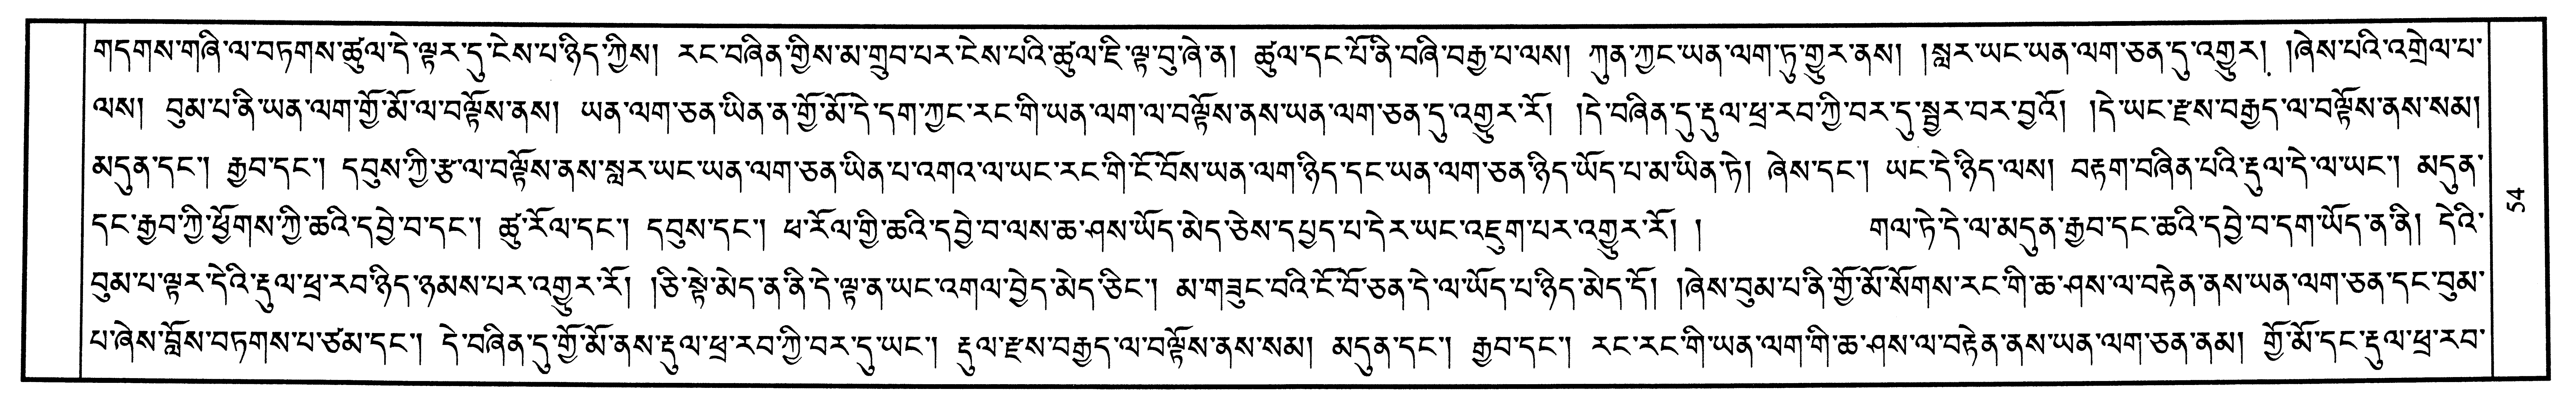གདགས་གཞི་ལ་བཏགས་ཚུལ་དེ་ལྟར་དུ་ངེས་པ་ཉིད་ཀྱིས། རང་བཞིན་གྱིས་མ་གྲུབ་པར་ངེས་པའི་ཚུལ་ཇི་ལྟ་བུ་ཞེ་ན། ཚུལ་དང་པོ་ནི་བཞི་བརྒྱ་པ་ལས། ཀུན་ཀྱང་ཡན་ལག་ཏུ་གྱུར་ནས། །སླར་ཡང་ཡན་ལག་ཅན་དུ་འགྱུར། །ཞེས་པའི་འགྲེལ་པ་
ལས། བུམ་པ་ནི་ཡན་ལག་གྱོ་མོ་ལ་བལྟོས་ནས། ཡན་ལག་ཅན་ཡིན་ན་གྱོ་མོ་དེ་དག་ཀྱང་རང་གི་ཡན་ལག་ལ་བལྟོས་ནས་ཡན་ལག་ཅན་དུ་འགྱུར་རོ། །དེ་བཞིན་དུ་རྡུལ་ཕྲ་རབ་ཀྱི་བར་དུ་སྦྱར་བར་བྱའོ། །དེ་ཡང་རྫས་བརྒྱད་ལ་བལྟོས་ནས་སམ།
མདུན་དང་། རྒྱབ་དང་། དབུས་ཀྱི་རྩ་ལ་བལྟོས་ནས་སླར་ཡང་ཡན་ལག་ཅན་ཡིན་པ་འགའ་ལ་ཡང་རང་གི་ངོ་བོས་ཡན་ལག་ཉིད་དང་ཡན་ལག་ཅན་ཉིད་ཡོད་པ་མ་ཡིན་ཏེ། ཞེས་དང་། ཡང་དེ་ཉིད་ལས། བརྟག་བཞིན་པའི་རྡུལ་དེ་ལ་ཡང་། མདུན་
དང་རྒྱབ་ཀྱི་ཕྱོགས་ཀྱི་ཆའི་དབྱེ་བ་དང་། ཚུ་རོལ་དང་། དབུས་དང་། ཕ་རོལ་གྱི་ཆའི་དབྱེ་བ་ལས་ཆ་ཤས་ཡོད་མེད་ཅེས་དཔྱད་པ་དེར་ཡང་འཇུག་པར་འགྱུར་རོ།། གལ་ཏེ་དེ་ལ་མདུན་རྒྱབ་དང་ཆའི་དབྱེ་བ་དག་ཡོད་ན་ནི། དེའི་
བུམ་པ་ལྟར་དེའི་རྡུལ་ཕྲ་རབ་ཉིད་ཉམས་པར་འགྱུར་རོ། །ཅི་སྟེ་མེད་ན་ནི་དེ་ལྟ་ན་ཡང་འགལ་བྱེད་མེད་ཅིང་། མ་གཟུང་བའི་ངོ་བོ་ཅན་དེ་ལ་ཡོད་པ་ཉིད་མེད་དོ། །ཞེས་བུམ་པ་ནི་གྱོ་མོ་སོགས་རང་གི་ཆ་ཤས་ལ་བརྟེན་ནས་ཡན་ལག་ཅན་དང་བུམ་
པ་ཞེས་བློས་བཏགས་པ་ཙམ་དང་། དེ་བཞིན་དུ་གྱོ་མོ་ནས་རྡུལ་ཕྲ་རབ་ཀྱི་བར་དུ་ཡང་། རྡུལ་རྫས་བརྒྱད་ལ་བལྟོས་ནས་སམ། མདུན་དང་། རྒྱབ་དང་། རང་རང་གི་ཡན་ལག་གི་ཆ་ཤས་ལ་བརྟེན་ནས་ཡན་ལག་ཅན་ནམ། གྱོ་མོ་དང་རྡུལ་ཕྲ་རབ་